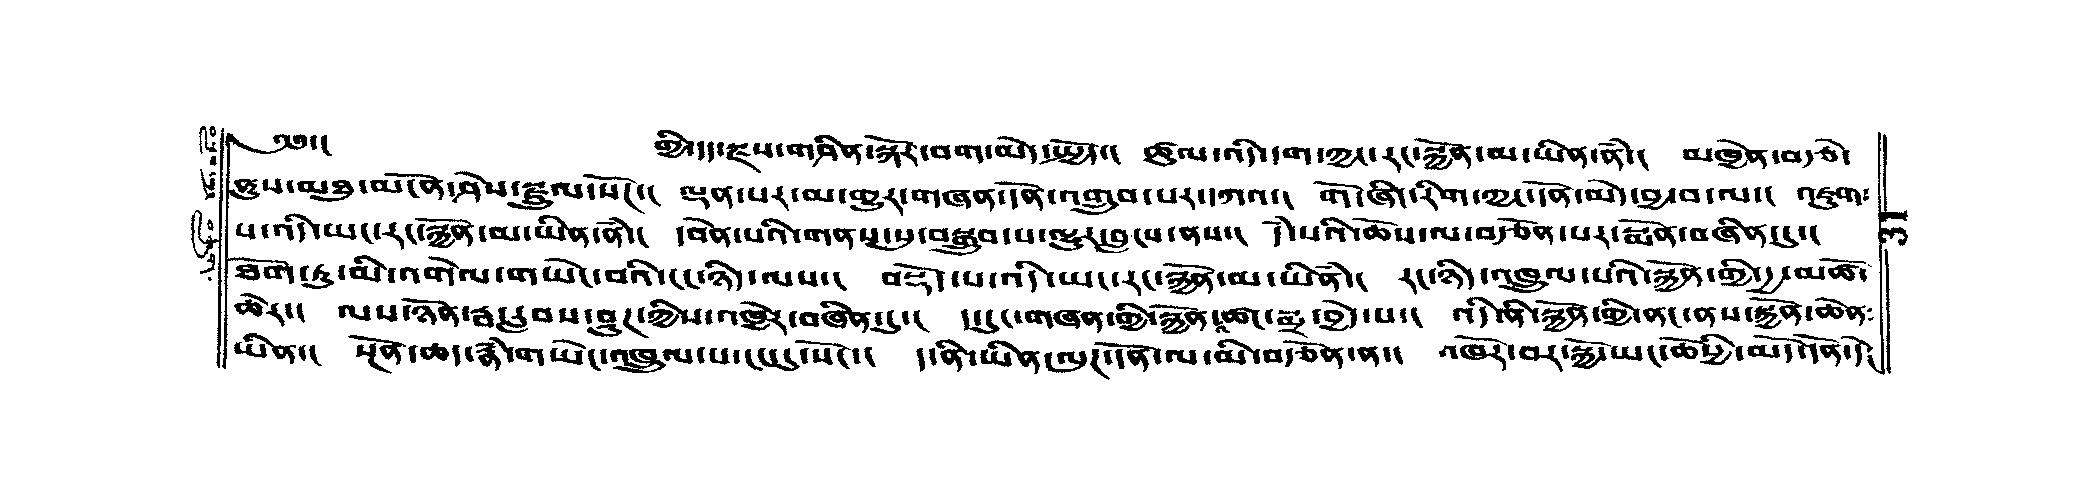གྱི་དད་རྫས་གཤིན་སྐོར་བག་མེད་སྤྱོད། །ཚུལ་འདི་དག་ཀྱང་རང་སྐྱོན་མ་ཡིན་ནམ། །མཁྱེན་བརྩེ་
ནུས་གསུམ་མངོན་ཤེས་རྫུ་འཕྲུལ་སོགས། །ལྡན་པར་མ་གྱུར་གཞན་དོན་འགྲུབ་པར་དཀའ། །གོ་ཞིང་རིག་ཀྱང་དོན་མེད་བྱ་བ་ལ། །འཇུག་
པ་འདི་ཡང་རང་སྐྱོན་མ་ཡིན་ནམ། །དབེན་པའི་གནས་སུ་བསྒྲུབ་པ་ལྷུར་བླངས་ནས། །དམ་པའི་ཆོས་ལ་བརྩོན་པར་སྨོན་བཞིན་དུ། །
ཐོག་ཏུ་མི་ཁེལ་གཡེང་བའི་ངང་ཉིད་ལས། །བསྡོད་པ་འདི་ཡང་རང་སྐྱོན་མ་ཡིན་ནམ། །རངཉིད་འཁྲུལ་བའི་སྐྱོན་གྱི་རྒྱ་མཚོ་
ཆེར། །ལས་ཉོན་རྦ་རླབས་ཤུགས་ཀྱིས་ཁྱེར་བཞིན་དུ། །ད་དུང་གཞན་གྱི་སྐྱོན་འཚང་སྨྲ་བྱེད་པ། །འདི་ནི་སྐྱོན་གྱི་ནང་ནས་སྐྱོན་ཆེན་
ཡིན། །སྔོན་ཚེ་རྣམ་གཡེང་འཁྲུལ་པ་ངང་དུ་སོང་། །ད་ནི་ཡིན་ལུགས་དོན་ལ་མི་བརྩོན་ན། །འཁོར་བར་སྐྱོ་ཡང་ཆོས་ཀྱི་མདོ་དོན་དེ།